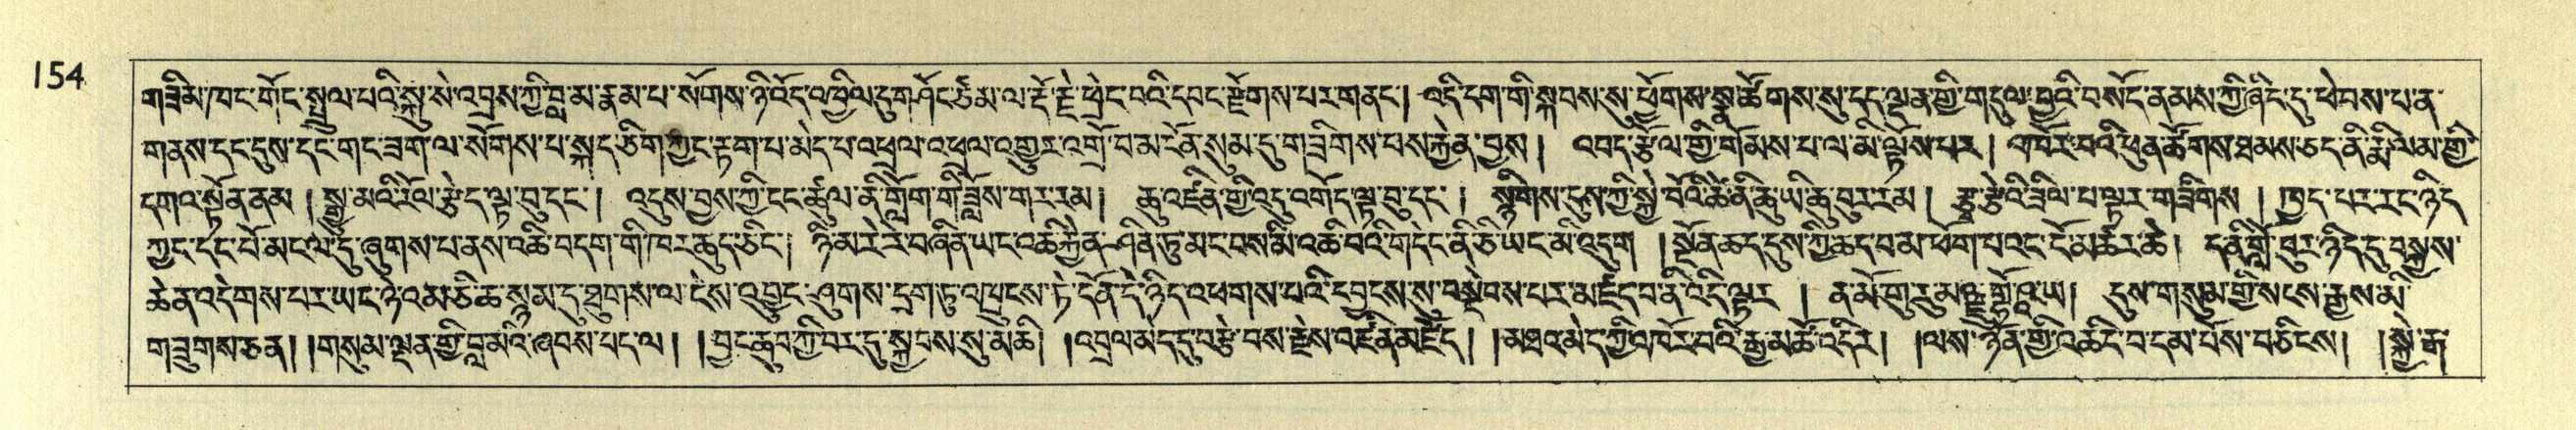གཟིམ་ཁང་གོང་སྤྲུལ་པའི་སྐུ་སེ་འབྲས་ཀྱི་བླ་མ་རྣམ་པ་སོགས་ཉི་འོད་འཁྱིལ་དུ་གཤོང་ཙམ་ལ་རྡོ་རྗེ་ཕྲེང་བའི་དབང་རྫོགས་པར་གནང་། འདི་དག་གི་སྐབས་སུ་ཕྱོགས་སྣ་ཚོགས་སུ་དད་ལྡན་གྱི་གདུལ་བྱའི་བསོད་ནམས་ཀྱི་ཞིང་དུ་ཕེབས་པ་ན་
གནས་དང་དུས་དང་གང་ཟག་ལ་སོགས་པ་སྐད་ཅིག་ཀྱང་རྟག་པ་མེད་པ་འཕྲལ་འཕྲལ་འགྱུར་འགྲོ་བ་མངོན་སུམ་དུ་གཟིགས་པས་རྐྱེན་བྱས། འབད་རྩོལ་གྱི་གོམས་པ་ལ་མི་ལྟོས་པར། འཁོར་བའི་ཕུན་ཚོགས་ཐམས་ཅད་ནི་རྨི་ལམ་གྱི་
དགའ་སྟོན་ནམ་།སྒྱུ་མའི་རོལ་རྩེད་ལྟ་བུ་དང་། འདུས་བྱས་ཀྱི་ངང་ཚུལ་ནི་གློག་གི་ཟློས་གར་རམ། ཆུ་འཛིན་གྱི་འདུ་འགོད་ལྟ་བུ་དང་། སྙིགས་དུས་ཀྱི་སྐྱེ་བོའི་ཚེ་ནི་ཆུ་ཡི་ཆུ་བུར་རམ། རྩྭ་རྩེའི་ཟིལ་པ་ལྟར་གཟིགས་།ཁྱད་པར་རང་ཉིད་
ཀྱང་དང་པོ་མངལ་དུ་ཞུགས་པ་ནས་འཆི་བདག་གི་ཁར་ཆུད་ཅིང་། ཉི་མ་རེ་རེ་བཞིན་ཡང་འཆི་རྐྱེན་ཤིན་ཏུ་མང་བས་མི་འཆི་བའི་གདེང་ནི་ཅི་ཡང་མི་འདུག །སྔོན་ཆད་དུས་ཀྱི་ཆད་བ་མ་ཕོག་པའང་ངོ་མཚར་ཆེ། ད་ནི་གློ་བུར་ཉིད་དུ་བསྐྱས་
ཆེན་འདེགས་པར་ཡང་ཉེ་འམ་ཅི་ཆ་སྙམ་དུ་ཐུགས་ལ་ངེས་འབྱུང་ཤུགས་དྲག་ཏུ་འཁྲུངས་ཏེ་དོན་དེ་ཉིད་འཕགས་པའི་དབྱངས་སུ་བསྡེབས་པར་མཛད་པ་ནི་འདི་ལྟར། ན་མོ་གུ་རུ་མཉུཛུ་གྷོ་ཥཱ་ཡ། དུས་གསུམ་གྱི་སངས་རྒྱས་མི་
གཟུགས་ཅན། །གསུམ་ལྡན་གྱི་བླ་མའི་ཞབས་པད་ལ། །བྱང་ཆུབ་ཀྱི་བར་དུ་སྐྱབས་སུ་མཆི། །འབྲལ་མེད་དུ་བརྩེ་བས་རྗེས་འཛིན་མཛོད། །མཐའ་མེད་ཀྱི་འཁོར་བའི་རྒྱ་མཚོ་འདིར། །ལས་ཉོན་གྱི་འཆིང་བ་དམ་པོས་བཅིངས། །སྐྱེ་རྒ་